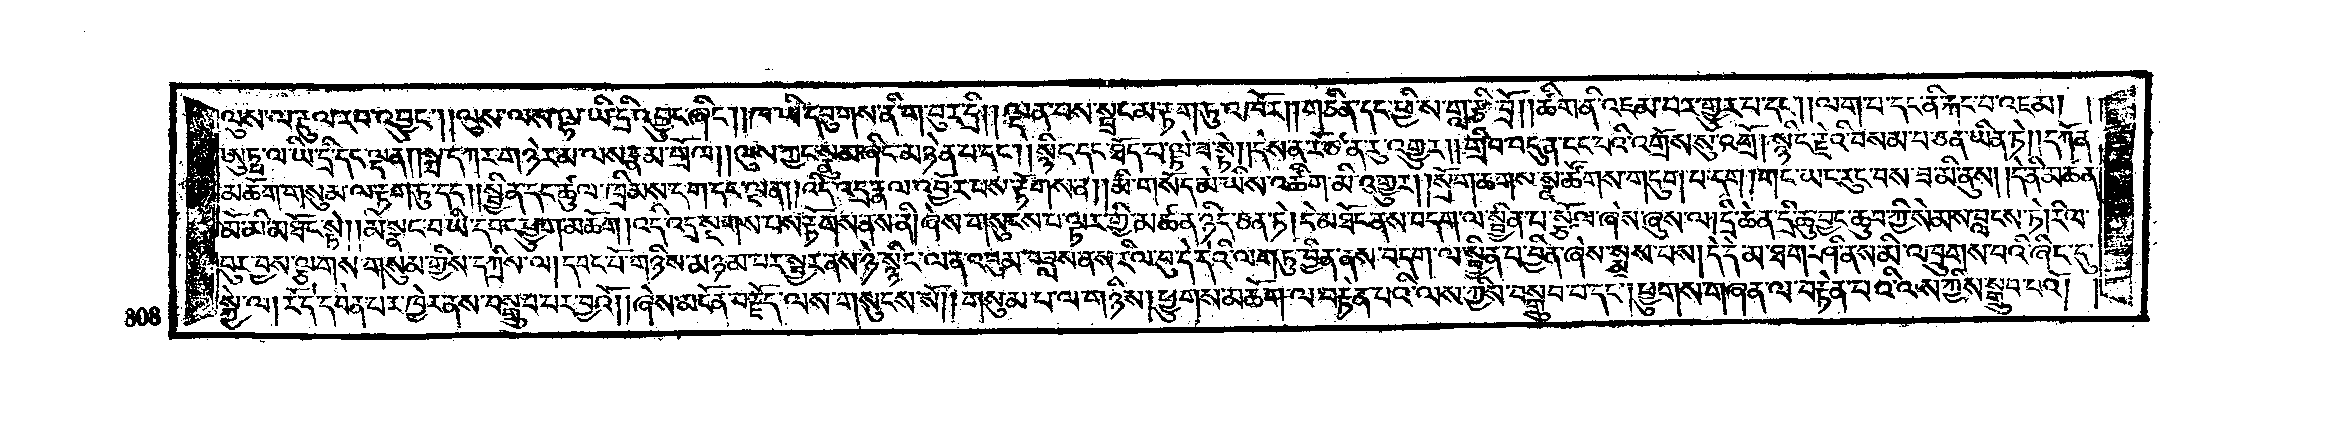ལུས་ལ་རྡུལ་རབ་འབྱུང་། །ལུས་ལས་ལྷ་ཡི་དྲི་འབྱུང་ཞིང་། །ཁ་ཡི་དབུགས་ནི་ག་བུར་དྲི། །ལྡན་པས་སྤྲང་མ་རྟག་ཏུ་འཁོར། །གཅིན་དང་ཕྱི་ས་གླ་རྩི་བྲོ། །ཚིག་ནི་འཇམ་པར་གྱུར་པ་དང་། །ལག་པ་དང་ནི་རྐང་པ་འཇམ། །
ཨུཏྤ་ལ་ཡི་དྲི་དང་ལྡན། །སྐྲ་དཀར་གཉེར་མ་ལས་རྣམ་གྲོལ། །ལུས་ཀྱང་སྣུམ་ཞིང་མཉེན་པ་དང་། །སྙིང་དང་ཐོད་པ་ལྟེ་བ་སྟེ། །དེས་ན་རོ་རྩ་ན་རུ་འགྱུར། །གྲིབ་བདུན་ངང་པའི་འགྲོས་སུ་འགྲོ། སྙིང་རྗེའི་བསམ་པ་ཅན་ཡིན་ཏེ། །དཀོན་
མཆོག་གསུམ་ལ་རྟག་ཏུ་དད། །སྦྱིན་དང་ཚུལ་ཁྲིམས་དག་དང་ལྡན། །འདི་འདྲ་རྣལ་འབྱོར་པས་རྟོགས་ན། །མི་གསོད་མེ་ཡིས་འཚིག་མི་འགྱུར། །སྲོག་ཆགས་སྣ་ཚོགས་གདུག་པ་དག །གང་ཡང་རུང་བས་ཟ་མི་ནུས། །དེ་ནི་མཚན་
མོ་མི་མཐོང་སྟེ། །མི་སྣང་བ་ཡི་དབང་ཕྱུག་མཆོག །འདི་འདྲ་སྔགས་པས་རྟོགས་ནས་ནི། ཞེས་གསུངས་པ་ལྟར་གྱི་མཚན་ཉིད་ཅན་ཏེ། དེ་མཐོང་ནས་བདག་ལ་སྦྱིན་པ་སྩོལ་ཞེས་ཞུས་ལ། དྲི་ཆེན་དྲི་ཆུ་བྱང་ཆུབ་ཀྱི་སེམས་བླངས་ཏེ། རིལ་
བུར་བྱས་ལྕགས་གསུམ་གྱིས་དཀྲིས་ལ། དབང་པོ་གཉིས་མཉམ་པར་སྦྱར་ནས་ཉེ་སྙིང་ལན་འབུམ་བཟླས་ནས་རིལ་བུ་དེ་དེའི་ལག་ཏུ་བྱིན་ནས་བདག་ལ་སྦྱིན་པ་བྱིན་ཞེས་སྨྲས་པས། དེ་དེ་མ་ཐག་ཤི་ནས་མི་འཁྲུགས་པའི་ཞིང་དུ་
སྐྱེ་ལ། རོ་དེ་དབེན་པར་ཁྱེར་ནས་བསྒྲུབ་པར་བྱའོ། །ཞེས་མངོན་བརྗོད་ལས་གསུངས་སོ། །གསུམ་པ་ལ་གཉིས། ཕྱུགས་མཆོག་ལ་བརྟེན་པའི་ལས་ཀྱིས་བསྒྲུབ་པ་དང་། ཕྱུགས་གཞན་ལ་བརྟེན་པའི་ལས་ཀྱིས་སྒྲུབ་པའོ། །